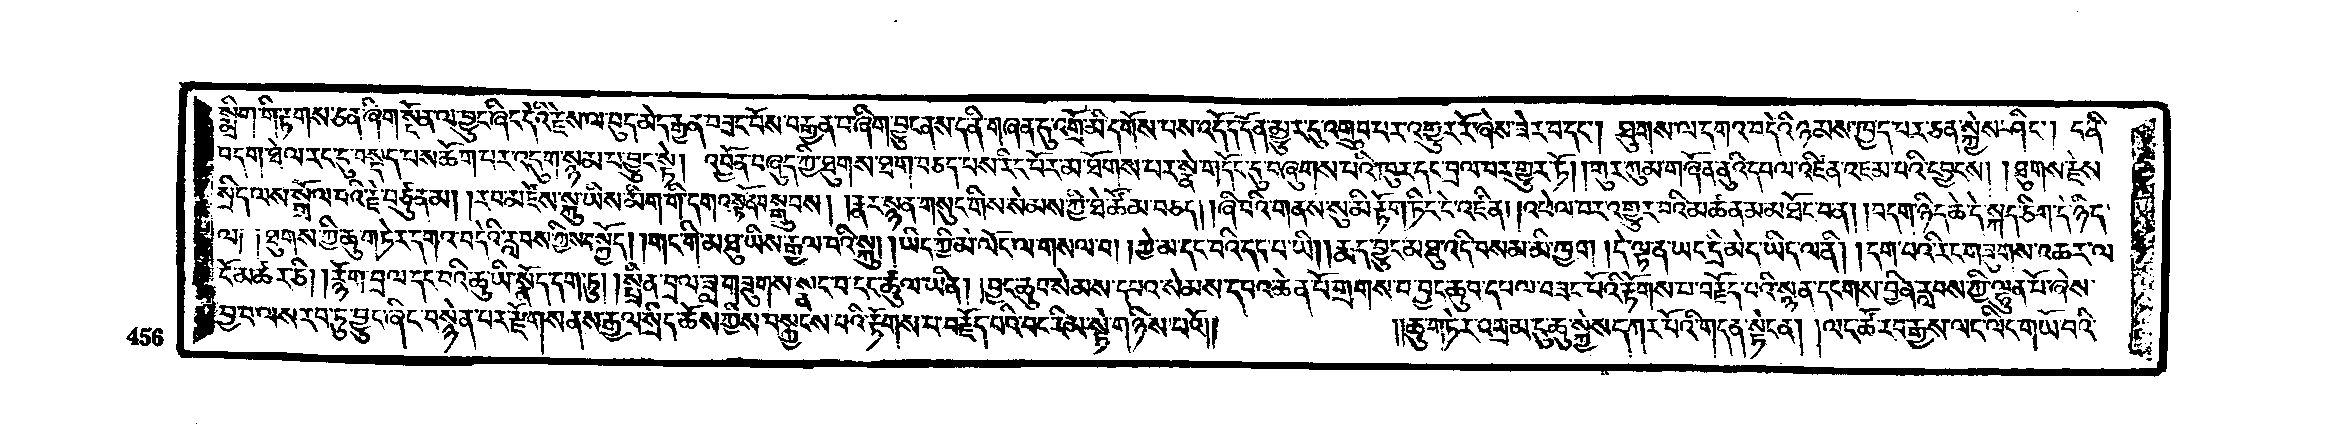སྨྲིག་གི་རྟགས་ཅན་ཞིག་སྔོན་ལ་བྱུང་ཞིང་དེའི་རྗེས་ལ་བུད་མེད་རྒྱན་བཟང་པོས་བརྒྱན་པ་ཞིག་བྱུང་ནས་ད་ནི་གཞན་དུ་འགྲོ་མི་དགོས་པས་འདོད་དོན་མྱུར་དུ་འགྲུབ་པར་འགྱུར་རོ་ཞེས་ཟེར་བ་དང་། ཐུགས་ལ་དགའ་བདེའི་ཉམས་ཁྱད་པར་ཅན་སྐྱེས་ཤིང་། ད་ནི་
བདག་ཐེལ་རང་དུ་བསྡད་པས་ཆོག་པར་འདུག་སྙམ་པ་བྱུང་སྟེ། འབྱོན་བཞུད་ཀྱི་ཐུགས་ཐག་བཅད་པས་རིང་པོར་མ་ཐོགས་པར་སྣེ་གདོང་དུ་བཞུགས་པའི་ཁུར་དང་བྲལ་བར་གྱུར་ཏོ། །གུར་ཀུམ་གཞོན་ནུའི་དཔལ་འཛིན་འཇམ་པའི་དབྱངས། །ཐུགས་རྗེས་
སྲིད་ལས་སྒྲོལ་བའི་རྗེ་བཙུན་མ། །རབ་མཛེས་སྐུ་ཡིས་མིག་གི་དགའ་སྟོན་བསྒྲུབས། །རྣར་སྙན་གསུང་གིས་སེམས་ཀྱི་ཐེ་ཚོམ་བཅད། །ཞི་བའི་གནས་སུ་མི་རྟོག་ཏིང་ངེ་འཛིན། །འཕེལ་བར་འགྱུར་བའི་མཚན་མ་མཐོང་བ་ན། །བདག་ཉིད་ཆེ་དེ་སྐད་ཅིག་དེ་ཉིད་
ལ། །ཐུགས་ཀྱི་ཆུ་གཏེར་དགའ་བདེའི་རླབས་ཀྱིས་བསྐྱོད། །གང་གི་མཐུ་ཡིས་རྒྱལ་བའི་སྐུ། །ཡིད་ཀྱི་མེ་ལོང་ལ་གསལ་བ། །ཀྱེ་མ་དང་བའི་དད་པ་ཡི། །རྨད་བྱུང་མཐུ་འདི་བསམ་མི་ཁྱབ། །དེ་ལྟ་ན་ཡང་དྲི་མེད་ཡིད་ལ་ནི། །དག་པའི་རང་གཟུགས་འཆར་ལ་
ངོ་མཚར་ཅི། །རྙོག་བྲལ་དང་བའི་ཆུ་ཡི་སྣོད་དག་ཏུ། །སྤྲིན་བྲལ་ཟླ་གཟུགས་སྣང་བ་ངང་ཚུལ་ཡིན། །བྱང་ཆུབ་སེམས་དཔའ་སེམས་དཔའ་ཆེན་པོ་གྲགས་པ་བྱང་ཆུབ་དཔལ་བཟང་པོའི་རྟོགས་པ་བརྗོད་པའི་སྙན་དངགས་བྱིན་རླབས་ཀྱི་ལྷུན་པོ་ཞེས་
བྱ་བ་ལས་རབ་ཏུ་བྱུང་ཞིང་བསྙེན་པར་རྫོགས་ནས་རྒྱལ་སྲིད་ཆོས་ཀྱིས་བསྐྱངས་པའི་རྟོགས་པ་བརྗོད་པའི་བང་རིམ་སྟེ་གཉིས་པའོ།། །།ཆུ་གཏེར་འགྲམ་དུ་ཆུ་སྐྱེས་དཀར་པོའི་གདན་སྟེང་ན། །ལང་ཚོ་རབ་རྒྱས་ལང་ལིང་གཡོ་བའི་